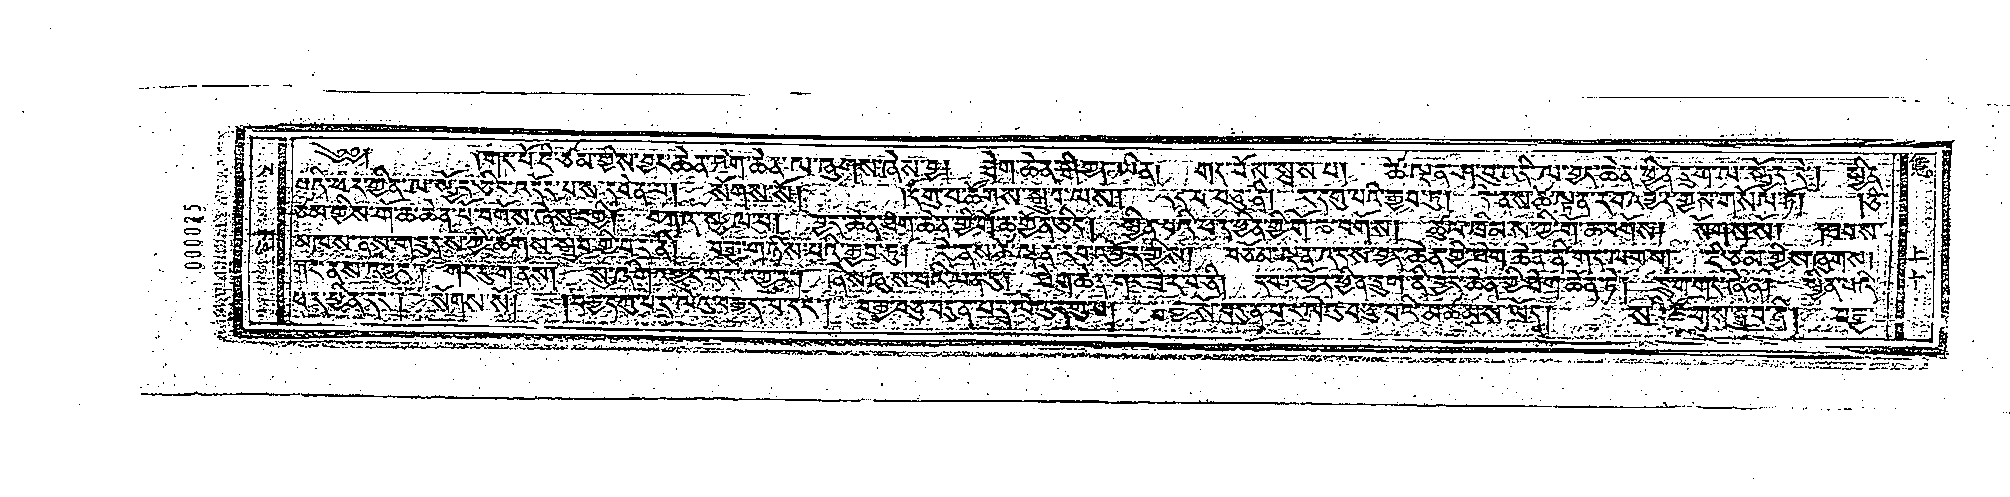༄༅། །གང་པོ་ཇི་ཙམ་གྱིས་བྱང་ཆེན་ཐེག་ཆེན་ལ་ཞུགས་ཞེས་བྱ། ཐེག་ཆེན་སྒི་གྱད་ཡིན། གང་པོས་སྨྲས་པ། ཚེ་ལྡན་ཤ་བུ་འདི་ལ་བྱང་ཆེན་ཕྱིན་དྲུག་ལ་སྤྱོད་དེ། སྦྱིན་
པའི་ཕར་ཕྱིན་ལ་སྤྱོད་ཅིང་འདོད་པས་དབེན་པ། སོགས་སོ། །དགུ་པ་ཚོགས་སྒྲུབ་ལས། དང་པ་བཅུ་ནི། ང་དགུ་པའི་རྒྱབ་ཏུ། དེ་ནས་ཚེ་ལྡན་རབ་འབྱོར་གྱིས་གསོལ་ཏོ། །ཅི་
ཙམ་གྱིས་གོ་ཆ་ཆེན་པོ་བགོས་ཞེས་བགྱི། བཀའ་སྩལ་པ། བྱང་ཆེན་ཐིག་ཆེན་གྱི་གོ་ཆ་གྱོན་ཅིང་། སྦྱིན་པའི་ཕར་ཕྱིན་གྱི་གོ་ཆ་བགོས། ཚུལ་ཁྲིམས་ཀྱི་གོ་ཆ་བ་གོས། སོགས་སོ། །ཐབས་
མཁས་ནས་གཟུངས་ཀྱི་ཚོགས་སྒྲུབ་གྱི་བར་ནི། བརྒྱ་གཉིས་པའི་རྒྱབ་ཏུ། དེ་ནས་ཚེ་ལྡན་རབ་འབྱོར་གྱིས། བཅོམ་ལྡན་འདས་བྱང་ཆེན་གྱི་ཐེག་ཆེན་ནི་གང་ལགས། ཇི་ཙམ་གྱིས་ཞུགས།
གང་ནས་འབྱུང་། གང་དུ་གནས། སུ་ཞིག་འབྱུང་བར་འགྱུར། ཞེས་ཞུས་པའི་ལན་དུ། ཐེག་ཆེན་གང་ཟེར་བ་ནི། རབ་འབྱོར་ཕྱིན་དྲུག་ནི་བྱང་ཆེན་གྱི་ཐེག་ཆེན་ཏེ། དྲུག་གང་ཞེ་ན། སྦྱིན་པའི་
ཕར་ཕྱིན་དང་། སོགས་སོ། །བརྒྱ་དགུ་པར་ལེའུ་བརྒྱད་པ་དང་། བརྒྱ་བཅུ་བདུན་པར་ལེའུ་དགུ་པ། བརྒྱ་སོ་བདུན་པར་ལེའུ་བཅུ་པའི་མཚམས་ཡོད། སའི་ཚོགས་སྒྲུབ་ནི། བརྒྱ་